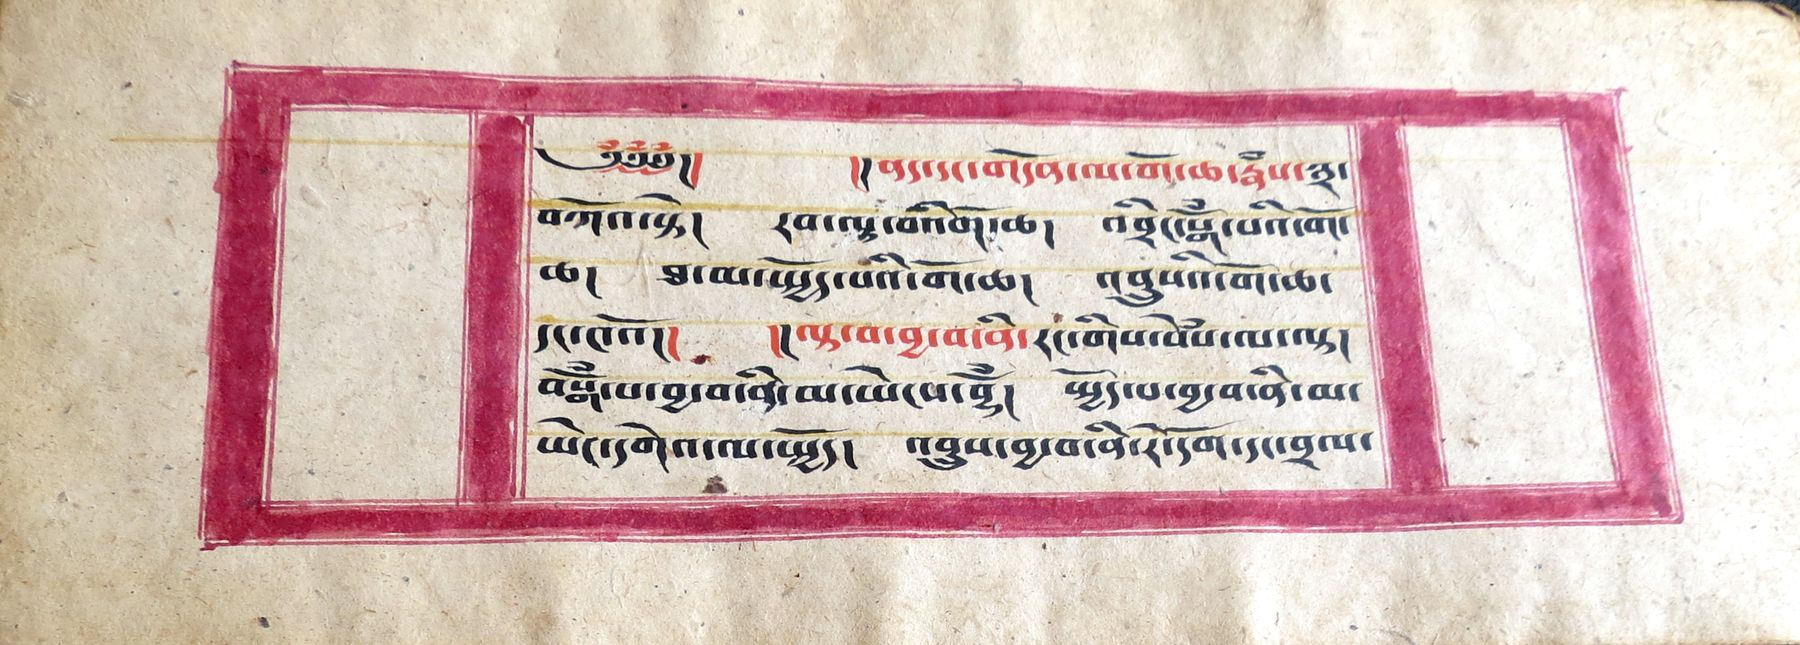ནད་གདོན་ལ་གོ་ཆ་རྣམ་གསུམ་
བགོ་སྟེ། རབ་ལྟ་བའི་གོ་ཆ། འབྲིང་སྒོམ་པའི་གོ་
ཆ། ཐ་མ་སྤྱོད་པའི་གོ་ཆ། འབྲས་བུའི་གོ་ཆ་
དང་བཞིའོ། ། ལྟ་བ་བྱ་བ་ནི་རང་གིས་སེམས་ལ་ལྟ། 
སྒོམ་པ་བྱ་བ་ནི་མ་ཡེངས་བསྒོམ། སྤྱོད་པ་བྱ་བ་ནི་མ་
ཡེངས་དགེ་ལ་སྤྱོད། འབྲས་བུ་བྱ་བ་ནི་རེ་དོགས་དང་བྲལ་